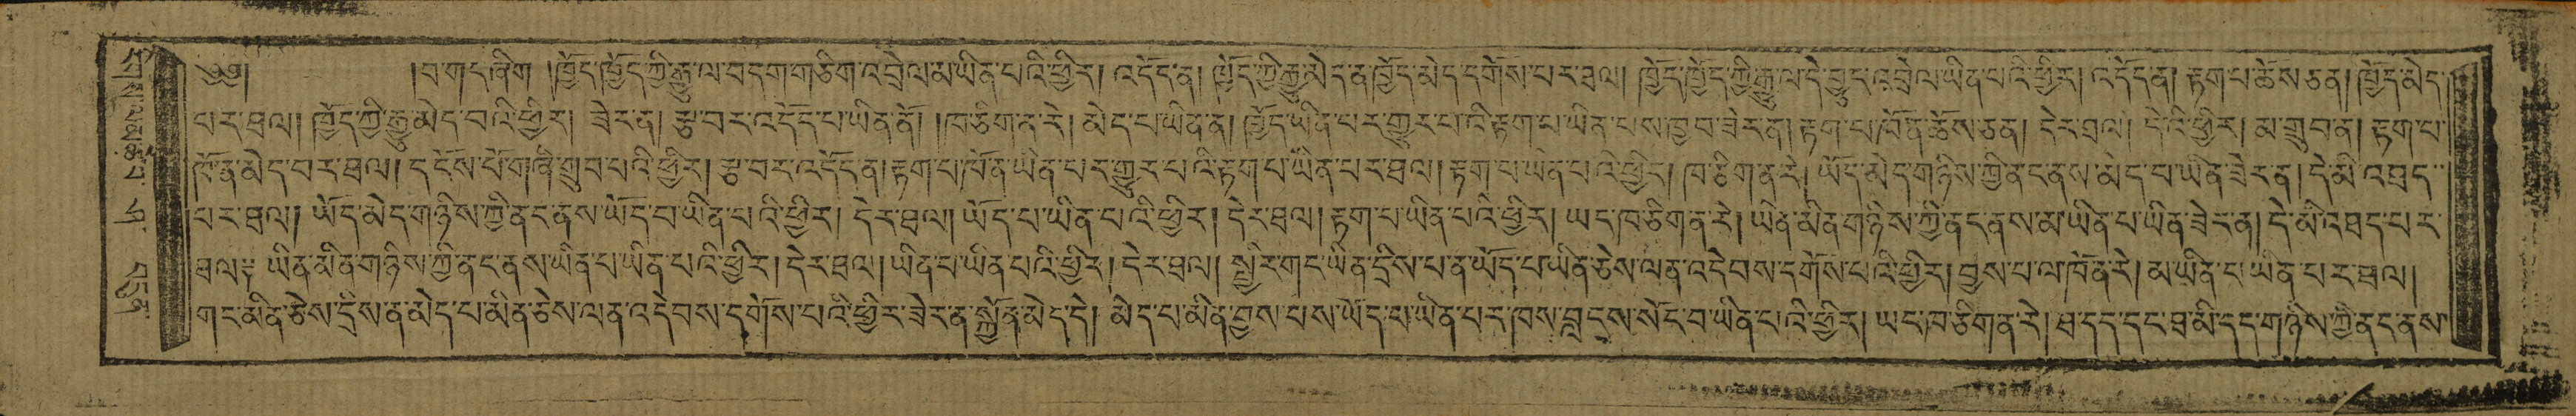༄༅། །བ་གང་ཞིག །ཁྱོད་ཁྱོད་ཀྱི་རྒྱུ་ལ་བདག་གཅིག་འབྲེལ་མ་ཡིན་པའི་ཕྱིར། འདོད་ན། ཁྱོད་ཀྱི་རྒྱུ་མེད་ན་ཁྱོད་མེད་དགོས་པར་ཐལ། ཁྱོད་ཁྱོད་ཀྱི་རྒྱུ་ལ་དེ་བྱུང་འབྲེལ་ཡིན་པའི་ཕྱིར། འདོད་ན། རྟག་པ་ཆོས་ཅན། ཁྱོད་མེད་
པར་ཐལ། ཁྱོད་ཀྱི་རྒྱུ་མེད་པའི་ཕྱིར། ཟེར་ན། རྩ་བར་འདོད་པ་ཡིན་ནོ། །ཁ་ཅིག་ན་རེ། མེད་པ་ཡིན་ན། ཁྱོད་ཡིན་པར་གྱུར་པའི་རྟག་པ་ཡིན་པས་ཁྱབ་ཟེར་ན། རྟག་པ་ཁོ་ན་ཆོས་ཅན། དེར་ཐལ། དེའི་ཕྱིར། མ་གྲུབ་ན། རྟག་པ་
ཁོ་ན་མེད་པར་ཐལ། དངོས་པོ་གཞི་གྲུབ་པའི་ཕྱིར། རྩ་བར་འདོད་ན། རྟག་པ་ཁོ་ན་ཡིན་པར་གྱུར་པའི་རྟག་པ་ཡིན་པར་ཐལ། རྟག་པ་ཡིན་པའི་ཕྱིར། ཁ་ཅིག་ན་རེ། ཡོད་མེད་གཉིས་ཀྱི་ནང་ནས་མེད་པ་ཡིན་ཟེར་ན། དེ་མི་འཐད་
པར་ཐལ། ཡོད་མེད་གཉིས་ཀྱི་ནང་ནས་ཡོད་པ་ཡིན་པའི་ཕྱིར། དེར་ཐལ། ཡོད་པ་ཡིན་པའི་ཕྱིར། དེར་ཐལ། རྟག་པ་ཡིན་པའི་ཕྱིར། ཡང་ཁ་ཅིག་ན་རེ། ཡིན་མིན་གཉིས་ཀྱི་ནང་ནས་མ་ཡིན་པ་ཡིན་ཟེར་ན། དེ་མི་འཐད་པར་
ཐལ༑ ཡིན་མིན་གཉིས་ཀྱི་ནང་ནས་ཡིན་པ་ཡིན་པའི་ཕྱིར། དེར་ཐལ། ཡིན་པ་ཡིན་པའི་ཕྱིར། དེར་ཐལ། སྤྱིར་གང་ཡིན་དྲིས་པ་ན་ཡོད་པ་ཡིན་ཅེས་ལན་འདེབས་དགོས་པའི་ཕྱིར། བྱས་པ་ལ་ཁོ་ན་རེ། མ་ཡིན་པ་ཡིན་པར་ཐལ།
གང་མིན་ཅེས་དྲིས་ན་མེད་པ་མིན་ཅེས་ལན་འདེབས་དགོས་པའི་ཕྱིར་ཟེར་ན་སྐྱོན་མེད་དེ། མེད་པ་མིན་བྱས་པས་ཡོད་པ་ཡིན་པར་ཁས་བླངས་སོང་བ་ཡིན་པའི་ཕྱིར། ཡང་ཁ་ཅིག་ན་རེ། ཐ་དད་དང་ཐ་མི་དད་གཉིས་ཀྱི་ནང་ནས་